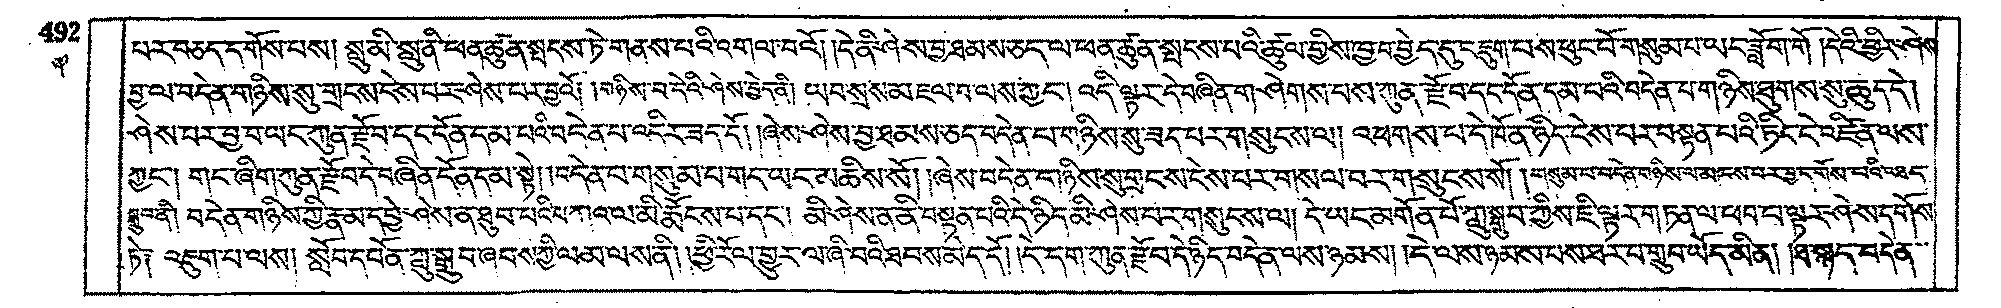པར་བཅད་དགོས་པས། སླུ་མི་སླུ་ནི་ཕན་ཚུན་སྤངས་ཏེ་གནས་པའི་འགལ་བའོ། །དེ་ནི་ཤེས་བྱ་ཐམས་ཅད་ལ་ཕན་ཚུན་སྤངས་པའི་ཚུལ་གྱིས་ཁྱབ་བྱེད་དུ་འཇུག་པས་ཕུང་པོ་གསུམ་པ་ཡང་ཟློག་གོ །དེའི་ཕྱིར་ཤེས་
བྱ་ལ་བདེན་གཉིས་སུ་གྲངས་ངེས་པར་ཤེས་པར་བྱའོ། །གཉིས་པ་དེའི་ཤེས་བྱེད་ནི། ཡབ་སྲས་མཇལ་བ་ལས་ཀྱང་། འདི་ལྟར་དེ་བཞིན་གཤེགས་པས་ཀུན་རྫོབ་དང་དམ་པའི་བདེན་པ་གཉིས་ཐུགས་སུ་ཆུད་དེ།
ཤེས་པར་བྱ་བ་ཡང་ཀུན་རྫོབ་དང་དོན་དམ་པའི་བདེན་པ་འདིར་ཟད་དོ། །ཞེས་ཤེས་བྱ་ཐམས་ཅད་བདེན་པ་གཉིས་སུ་ཟད་པར་གསུགས་ལ། འཕགས་པ་དེ་ཁོ་ན་ཉིད་ངེས་པར་བསྟན་པའི་ཏིང་ངེ་འཛིན་ལས་
ཀྱང་། གང་ཞིག་ཀུན་རྫོབ་དེ་བཞིན་དོན་དམ་སྟེ། །བདེན་པ་གསུམ་པ་གང་ཡང་མཆིས་སོ། །ཞེས་བདེན་གཉིས་སུ་གྲངས་ངེས་པར་གསལ་བར་གསུངས་སོ། །གསུམ་པ་བདེན་གཉིས་ལ་མཁས་པར་བྱ་དགོས་པའི་འཐད་
སྒྲུབ་ནི། བདེན་གཉིས་ཀྱི་རྣམ་དབྱེ་ཤེས་ན་ཐུབ་པའི་བཀའ་ལ་མི་རྨོངས་པ་དང་། མི་ཤེས་ན་ནི་བསྟན་པའི་དེ་ཉིད་མི་ཤེས་པར་གསུངས་ལ། དེ་ཡང་མགོན་པོ་ཀླུ་སྒྲུབ་ཀྱིས་ཇི་ལྟར་གཏན་ལ་ཕབ་པ་ལྟར་ཤེས་དགོས་
ཏེ༑ འཇུག་པ་ལས། སློབ་དཔོན་ཀླུ་སྒྲུབ་ཞབས་ཀྱི་ལམ་ལས་ནི། །ཕྱི་རོལ་གྱུར་ལ་ཞི་བའི་ཐབས་མེད་དོ། །དེ་དག་ཀུན་རྫོབ་དེ་ཉིད་བདེན་ལས་ཉམས། །དེ་ལས་ཉམས་པས་ཐར་པ་གྲུབ་ཡོད་མིན། །ཐ་སྙད་བདེན་